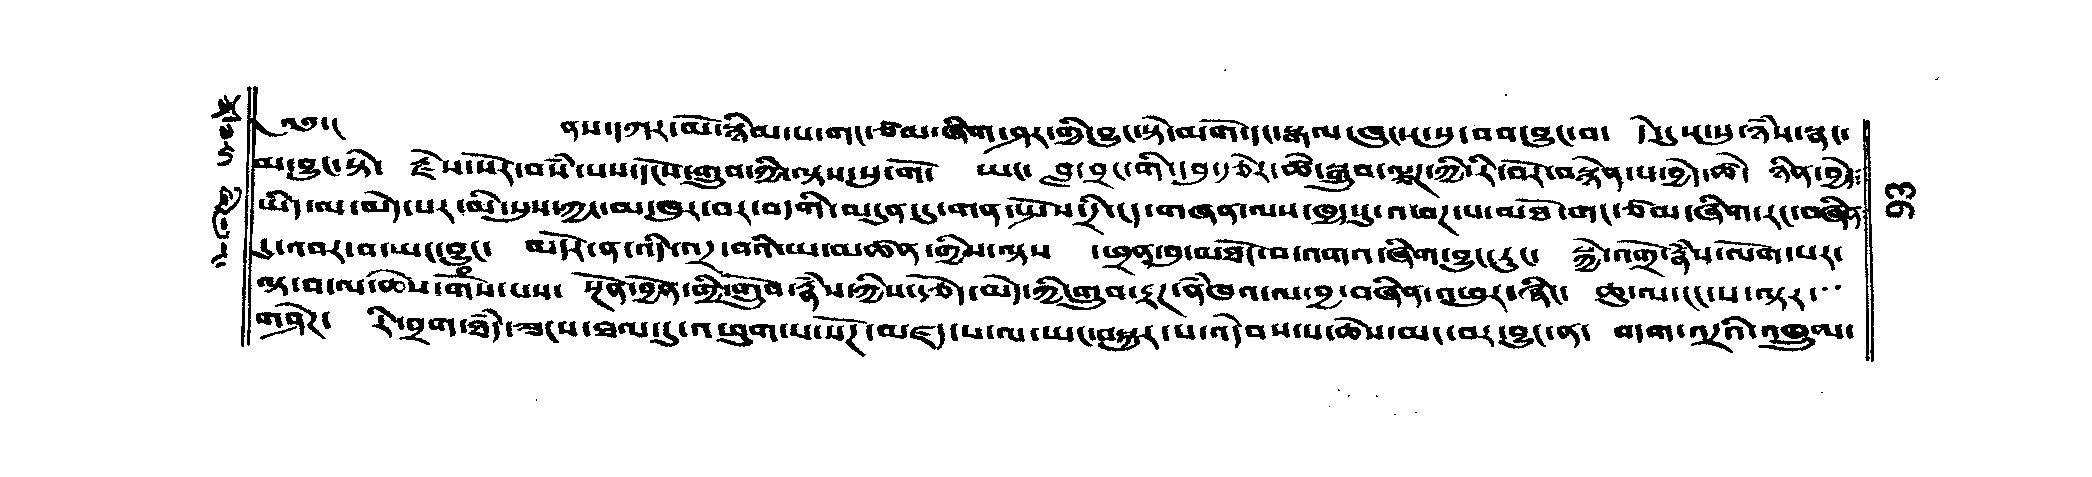ནས་དཀར་མོ་སྙིམ་པ་གང་ཙམ་ཞིག་ཤར་གྱི་བྱུང་སྟེ་མགོ་དང་སྒལ་ཁུངས་སུ་བབ་བྱུང་བ། དེ་དུས་སུ་ཉམས་སྣང་
མ་བྱུང་སྟེ། རྗེས་སོར་བསམ་པས་དངོས་གྲུབ་ཀྱི་ལྟས་སུ་གོ་ཡང་བླ་བྲང་གི་དབུ་རྩེར་ཚེ་སྒྲུབ་ལྕགས་ཀྱི་རི་བོར་བསྙེན་པ་བྱེད་ཚེ། ཉིན་བྱེད་
ཡིད་ལ་མེད་པར་མི་སུས་ཀྱང་མ་ཁུར་བར་བདག་གི་མདུན་དུ་གན་སྤོས་དྲི་ངད་གཞན་ལས་ཁྱད་དུ་འཕགས་པ་མཐོ་གང་ཙམ་ཞིག་རང་བཞིན་
དུ་འབར་བ་ཡང་བྱུང་། མདོར་ན་འདི་འདྲ་བའི་ཡ་མཚན་གྱིས་ལྟས་ཕྲན་བུ་མཐོང་བ་འགའ་ཞིག་བྱུང་རུང་། སྐྱེ་འགྲོ་རྣམས་ལོག་པར་
ལྟ་བ་ལ་ཆེས་གོམས་པས། སྔོན་བྱོན་གྱི་གྲུབ་ཐོབ་རྣམས་ཀྱིས་རྩོད་མེད་ཀྱི་གྲུབ་རྟགས་ནམ་མཁའ་ལ་བྱ་བཞིན་འཕུར་ཞིང་། ཆུ་ལ་ངང་པ་ལྟར་
གཤེགས། རི་བྲག་ཐམས་ཅད་ཟང་ཐལ་དུ་འཕུག་པ་སོགས་མཛད་པ་ལ་ཡང་བསྐུར་པ་འདེབས་པ་ཆེས་མང་བར་བྱུང་ན། བདག་འདྲའི་འཁྲུལ་